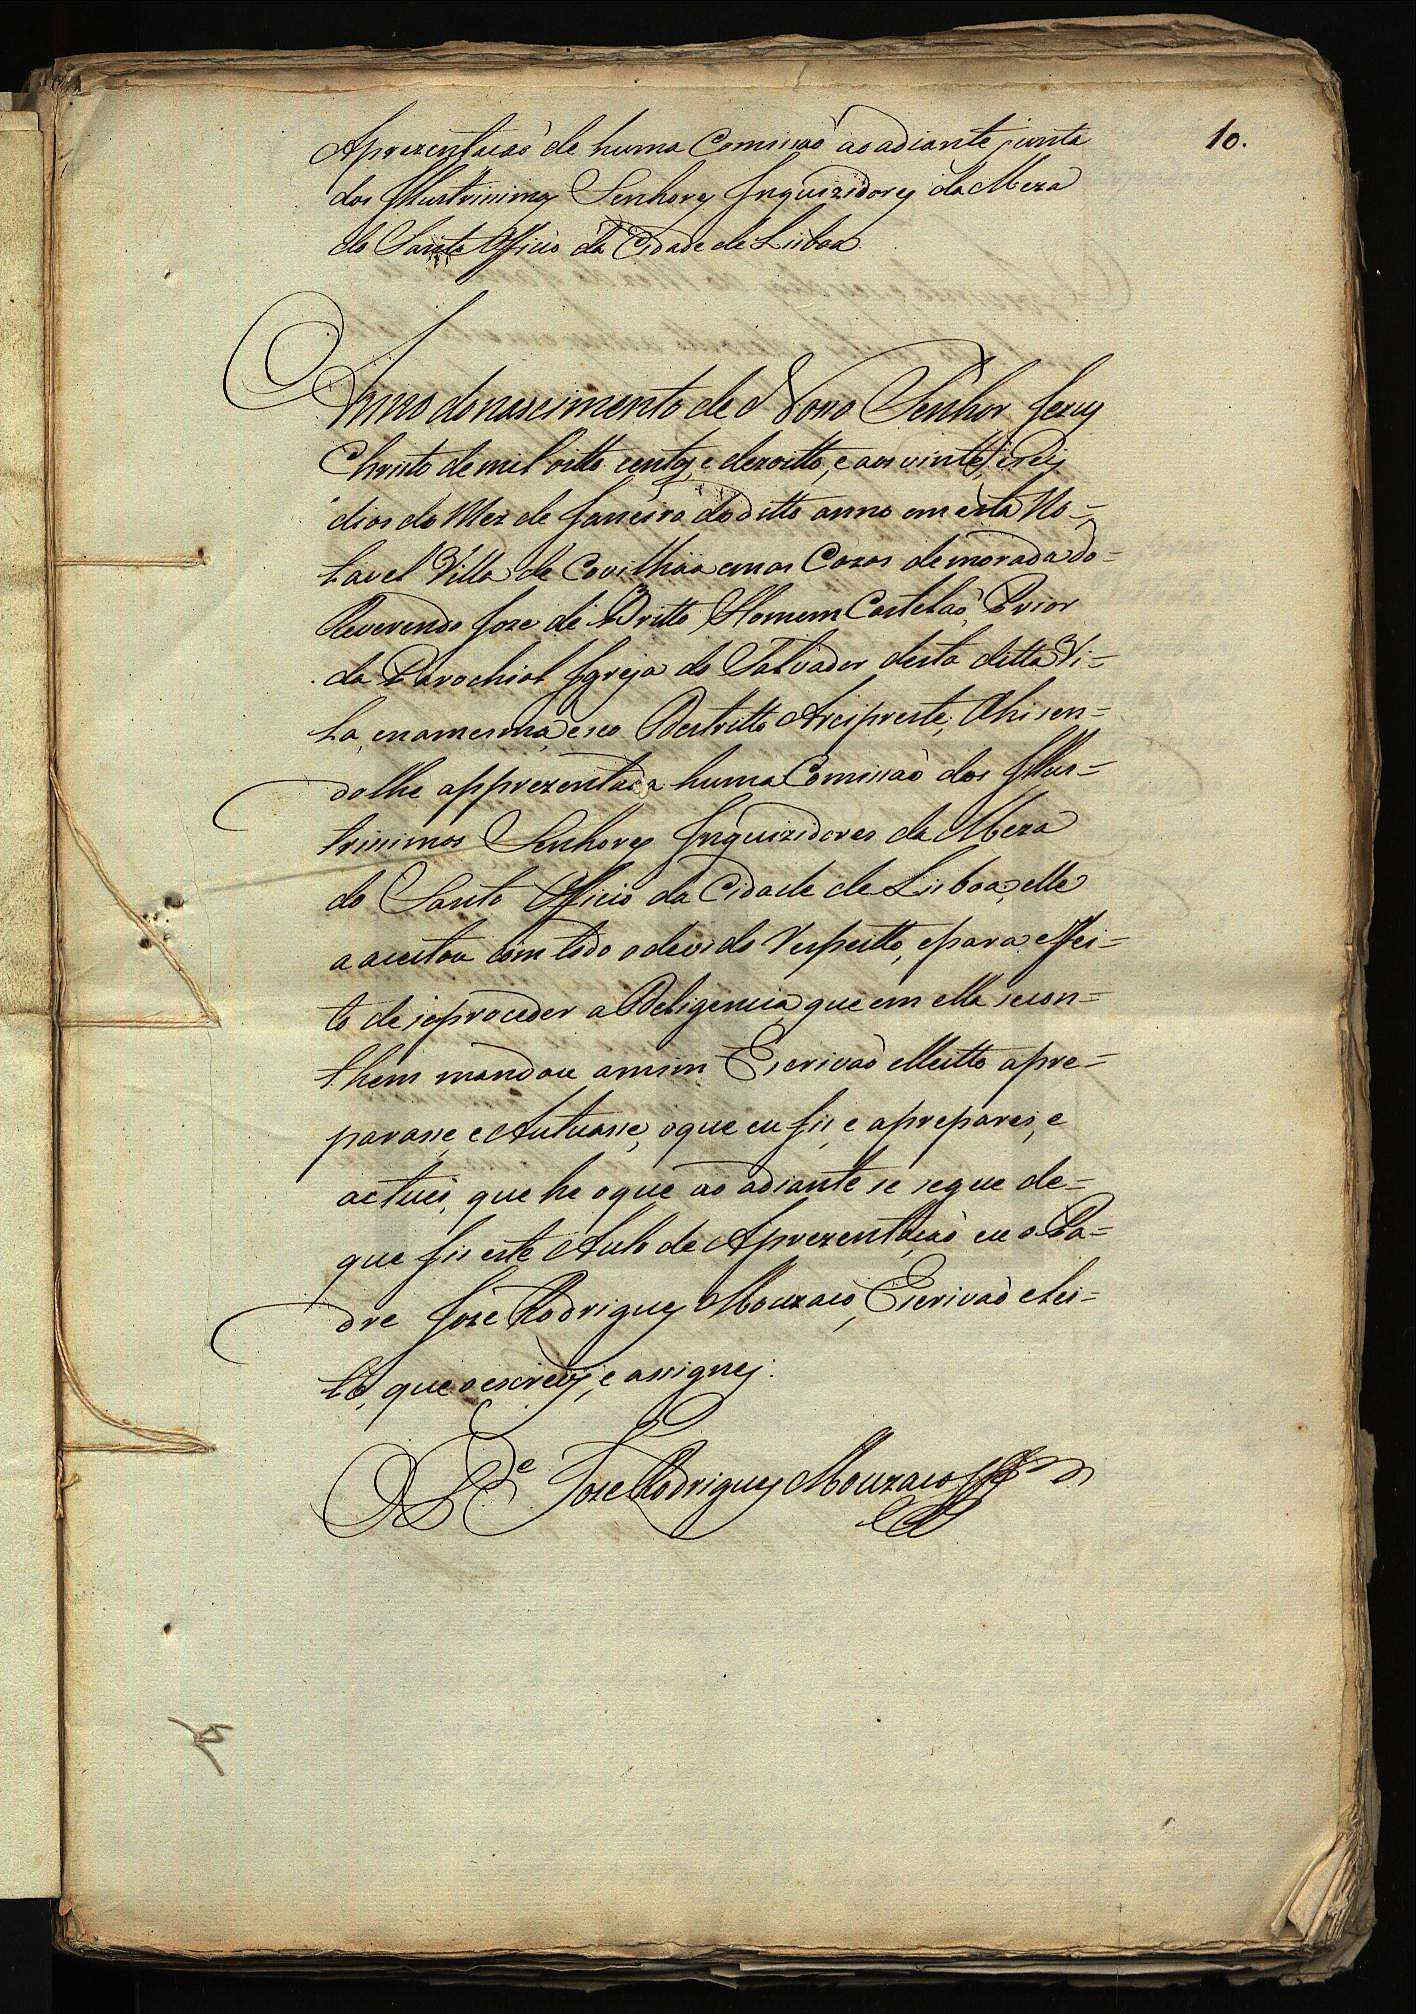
Apresentaçaõ de huma Comissaõ ao adiante junta
dos Jllustrissimos Senhores Jnquizidores da Meza
do Santo Officio da Cidade de Lisboa.
Anno do nascimento de Nosso Senhor Jesus
Christo de mil oitto centos e dezoitto, e aos vinte e seis
dias do Mez de Janeiro do ditto anno em esta No
tavel Villa de Covilhaa em as Cazas de morada do
Reverendo Joze de Britto Homem Castelaõ, Prior
da Parochial Jgreja do Salvador desta ditta Vi
la, e na mesma, e seo Destritto Arcipreste, ahi sen
do lhe apprezentara huma Comissaõ dos Jllus
trissimos Senhores Jnquizidores da Meza
do Santo Officio da Cidade de Lisboa; elle
a aceitou com todo o devido Respeitto, e para effei
to de se proceder a Deligencia que em ella se con
them mandou a mim Escrivaõ elleito apre
parasse e Autuasse, o que eu fis e a preparei, e
actuei, que he o que ao adiante se segue de
que fis este Auto de Aprezentaçaõ eu o Pa
dre Joze Rodrigues Mouzais, Escrivaõ elei
to, que o escrevj, e assignej.
